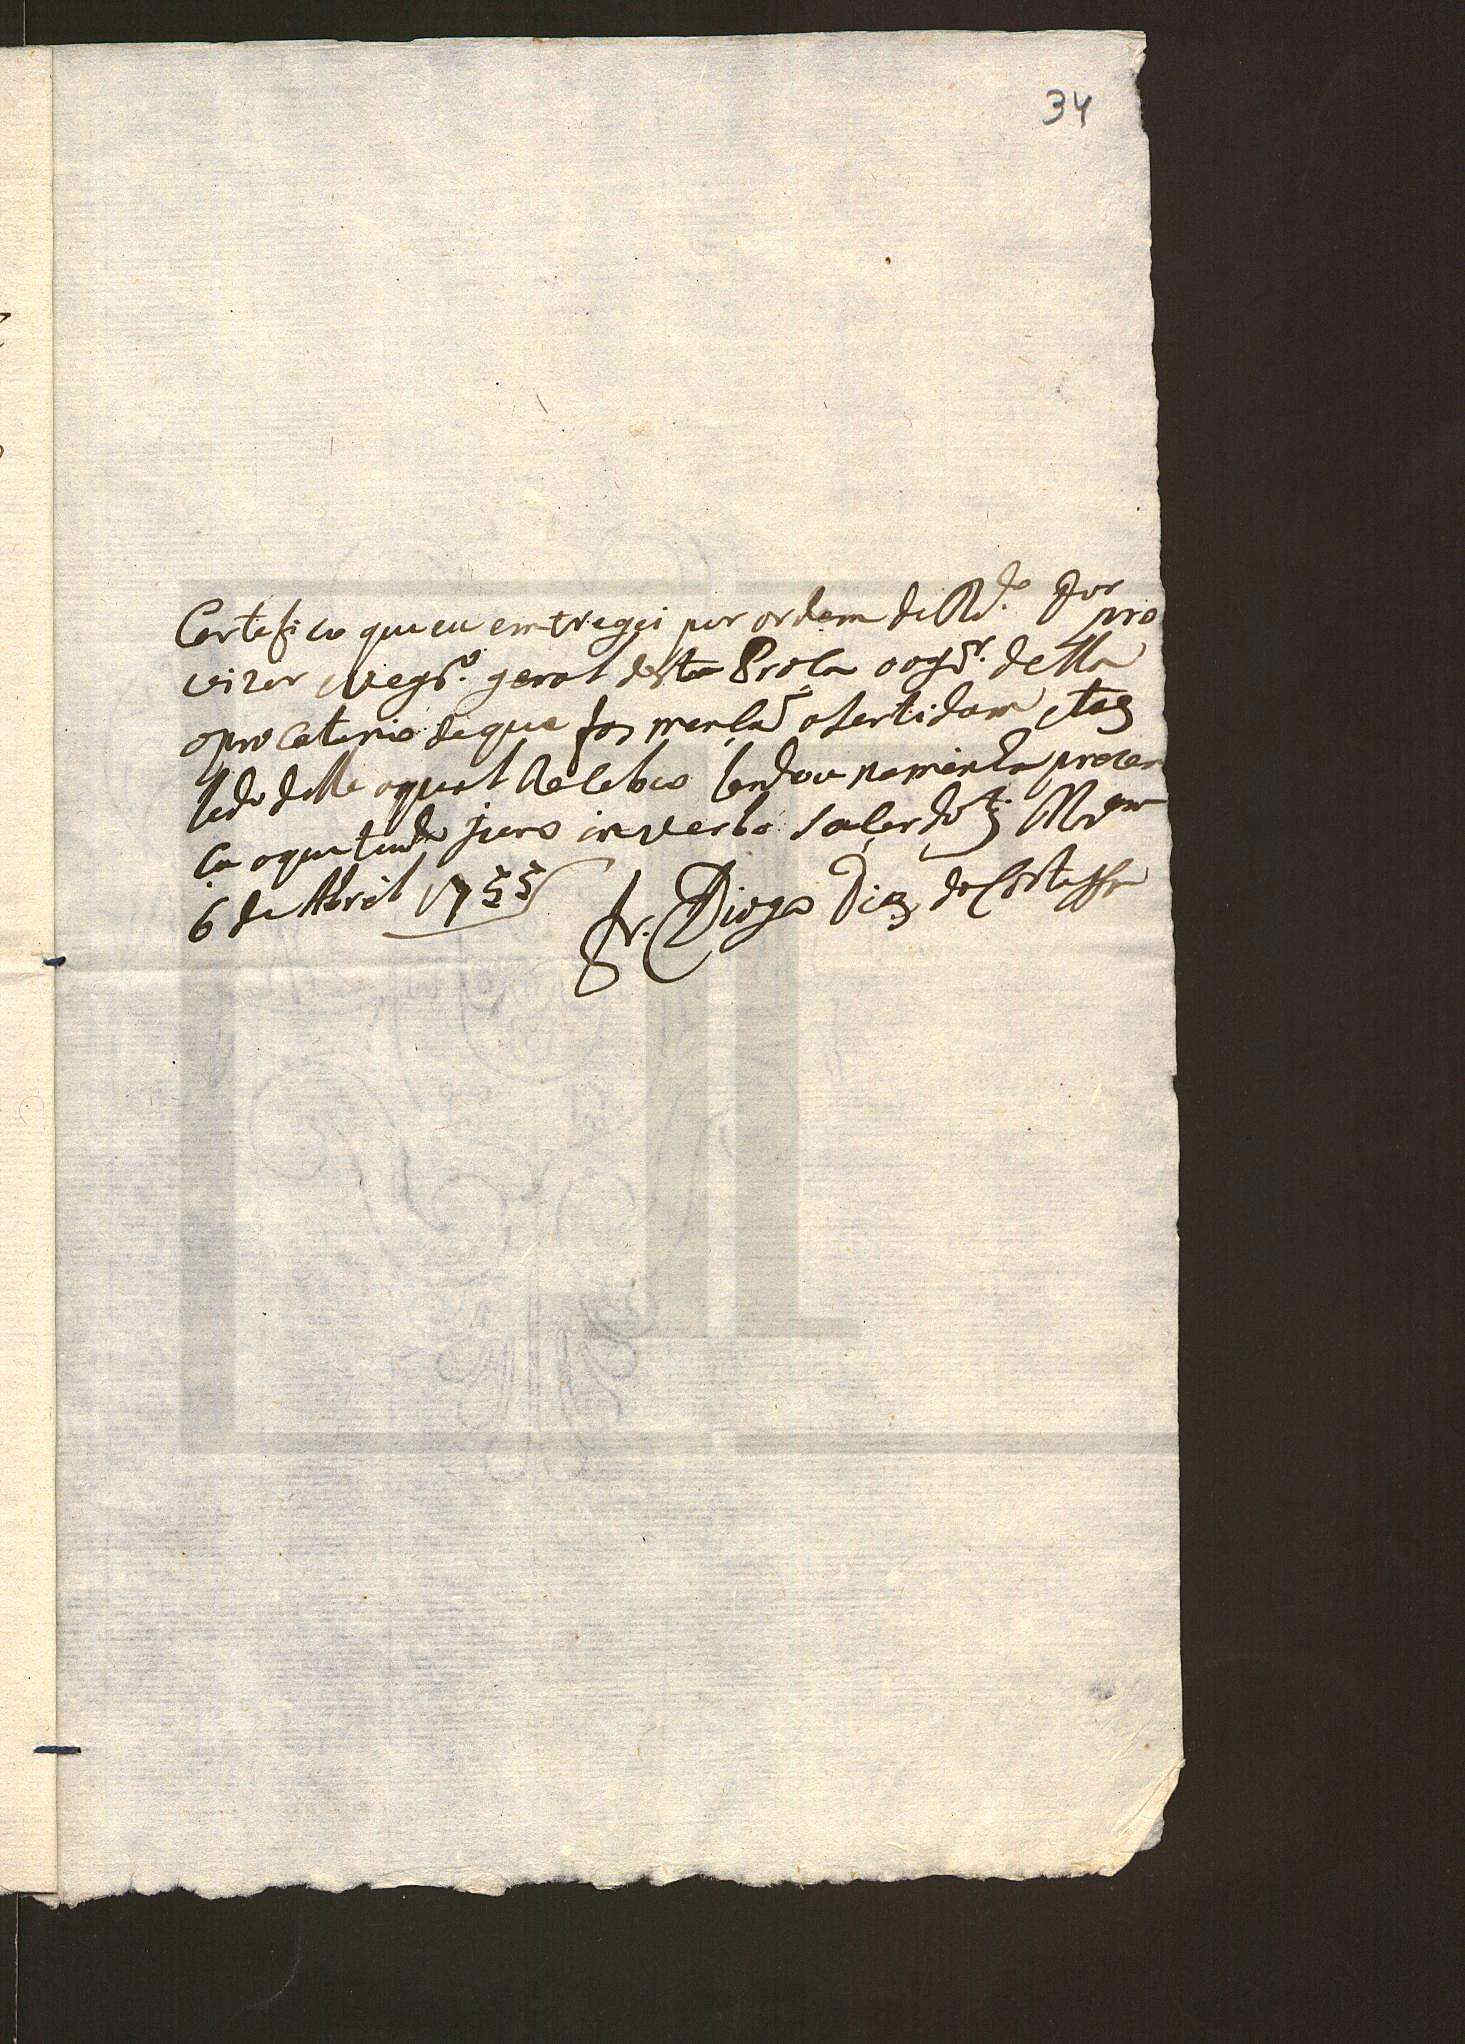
Certefico que eu emtregei por ordem de Rd.o D.or pro
vizor e Vigr.o geral desta Praça ao Gv.r della
o precatorio de que fas mençaõ a sertidam e tas
lado delle o qual Recebeo lendoce na minha prezem
ça o que tudo juro in verbo saCerdotis Mram
6 de Abril 1755
fr. Diogo Diaz da Costa
